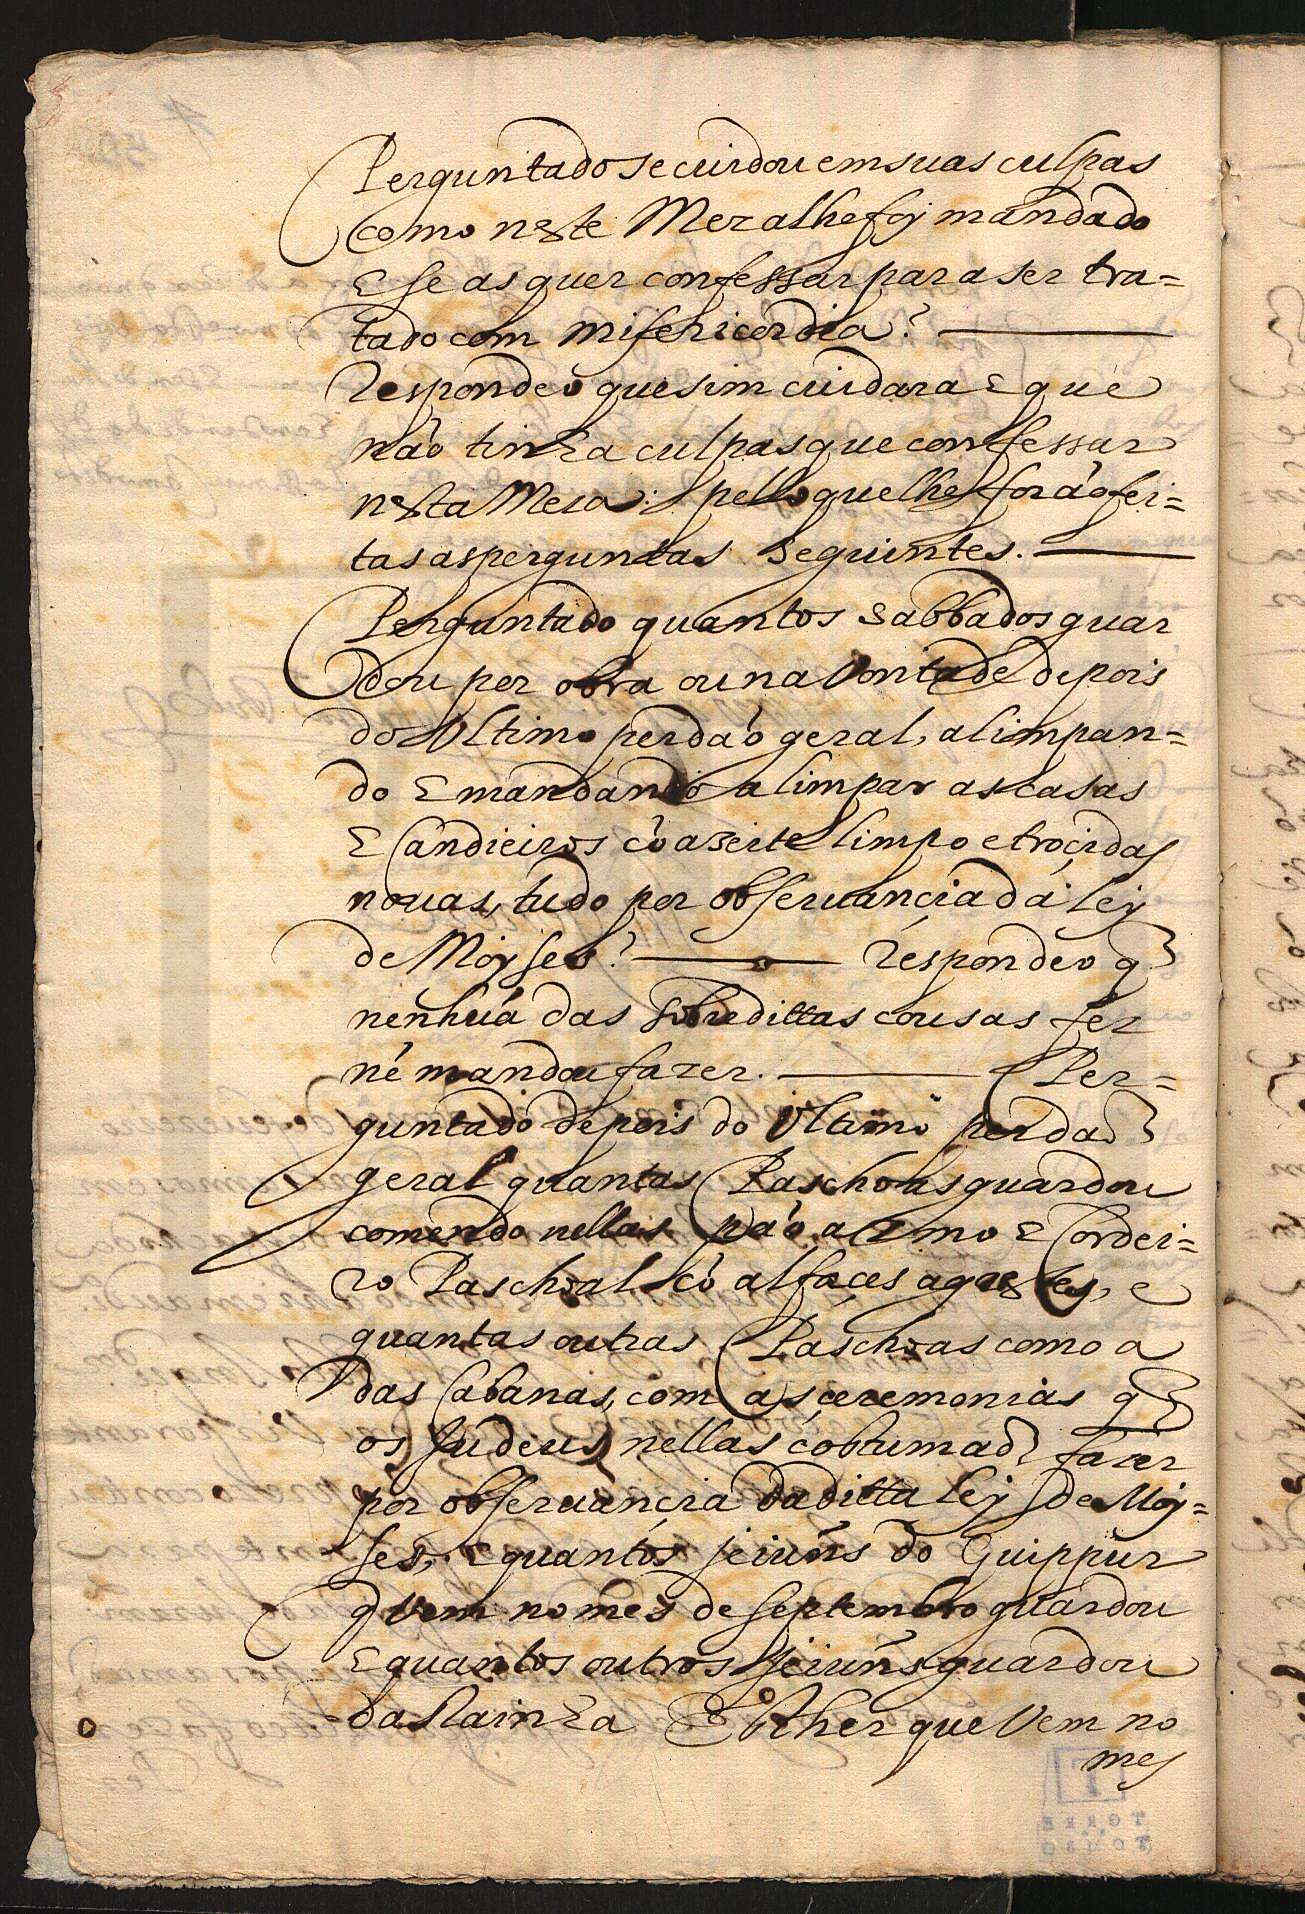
Perguntado se cuidou em suas culpas
como neste Meza lhe foy mandado
E se as quer confessar para ser tra
tado com misericordia?
Respondeo que sim cuidara E que
naõ tinha culpas que confessar
nesta Mesa: pello que lhe foraõ fei
tas as perguntas seguintes.
Perguntado quantos sabbados guar
dou per obra ou na vontade depois
do vltimo perdaõ geral, alimpan
do E mandando alimpar as casas
E Candieiros cō azeite limpo e troçidas
nouas, tudo por obseruançia da Ley
de Moyses? - respondeo q̄
nenhuā das sobredittas cousas fez
nē mandou fazer. - Per
guntado depois do vltimo perdaõ
geral quantas Paschoas guardou
comendo nellas paõ azmo E Cordei
ro Paschoal cō alfaçes agrestes, e
quantas outras Paschoas como a
das Cabanas, com as çeremonias q̄
os Judeus nellas costumaõ fazer
por obseruançia da ditta Ley de Moy
ses, E quantos jeiun̄s do Quippur
q̄ vem no mes de septembro guardou
E quantos outros jeiun̄s guardou
da Rainha Esther que Vem no
mes
